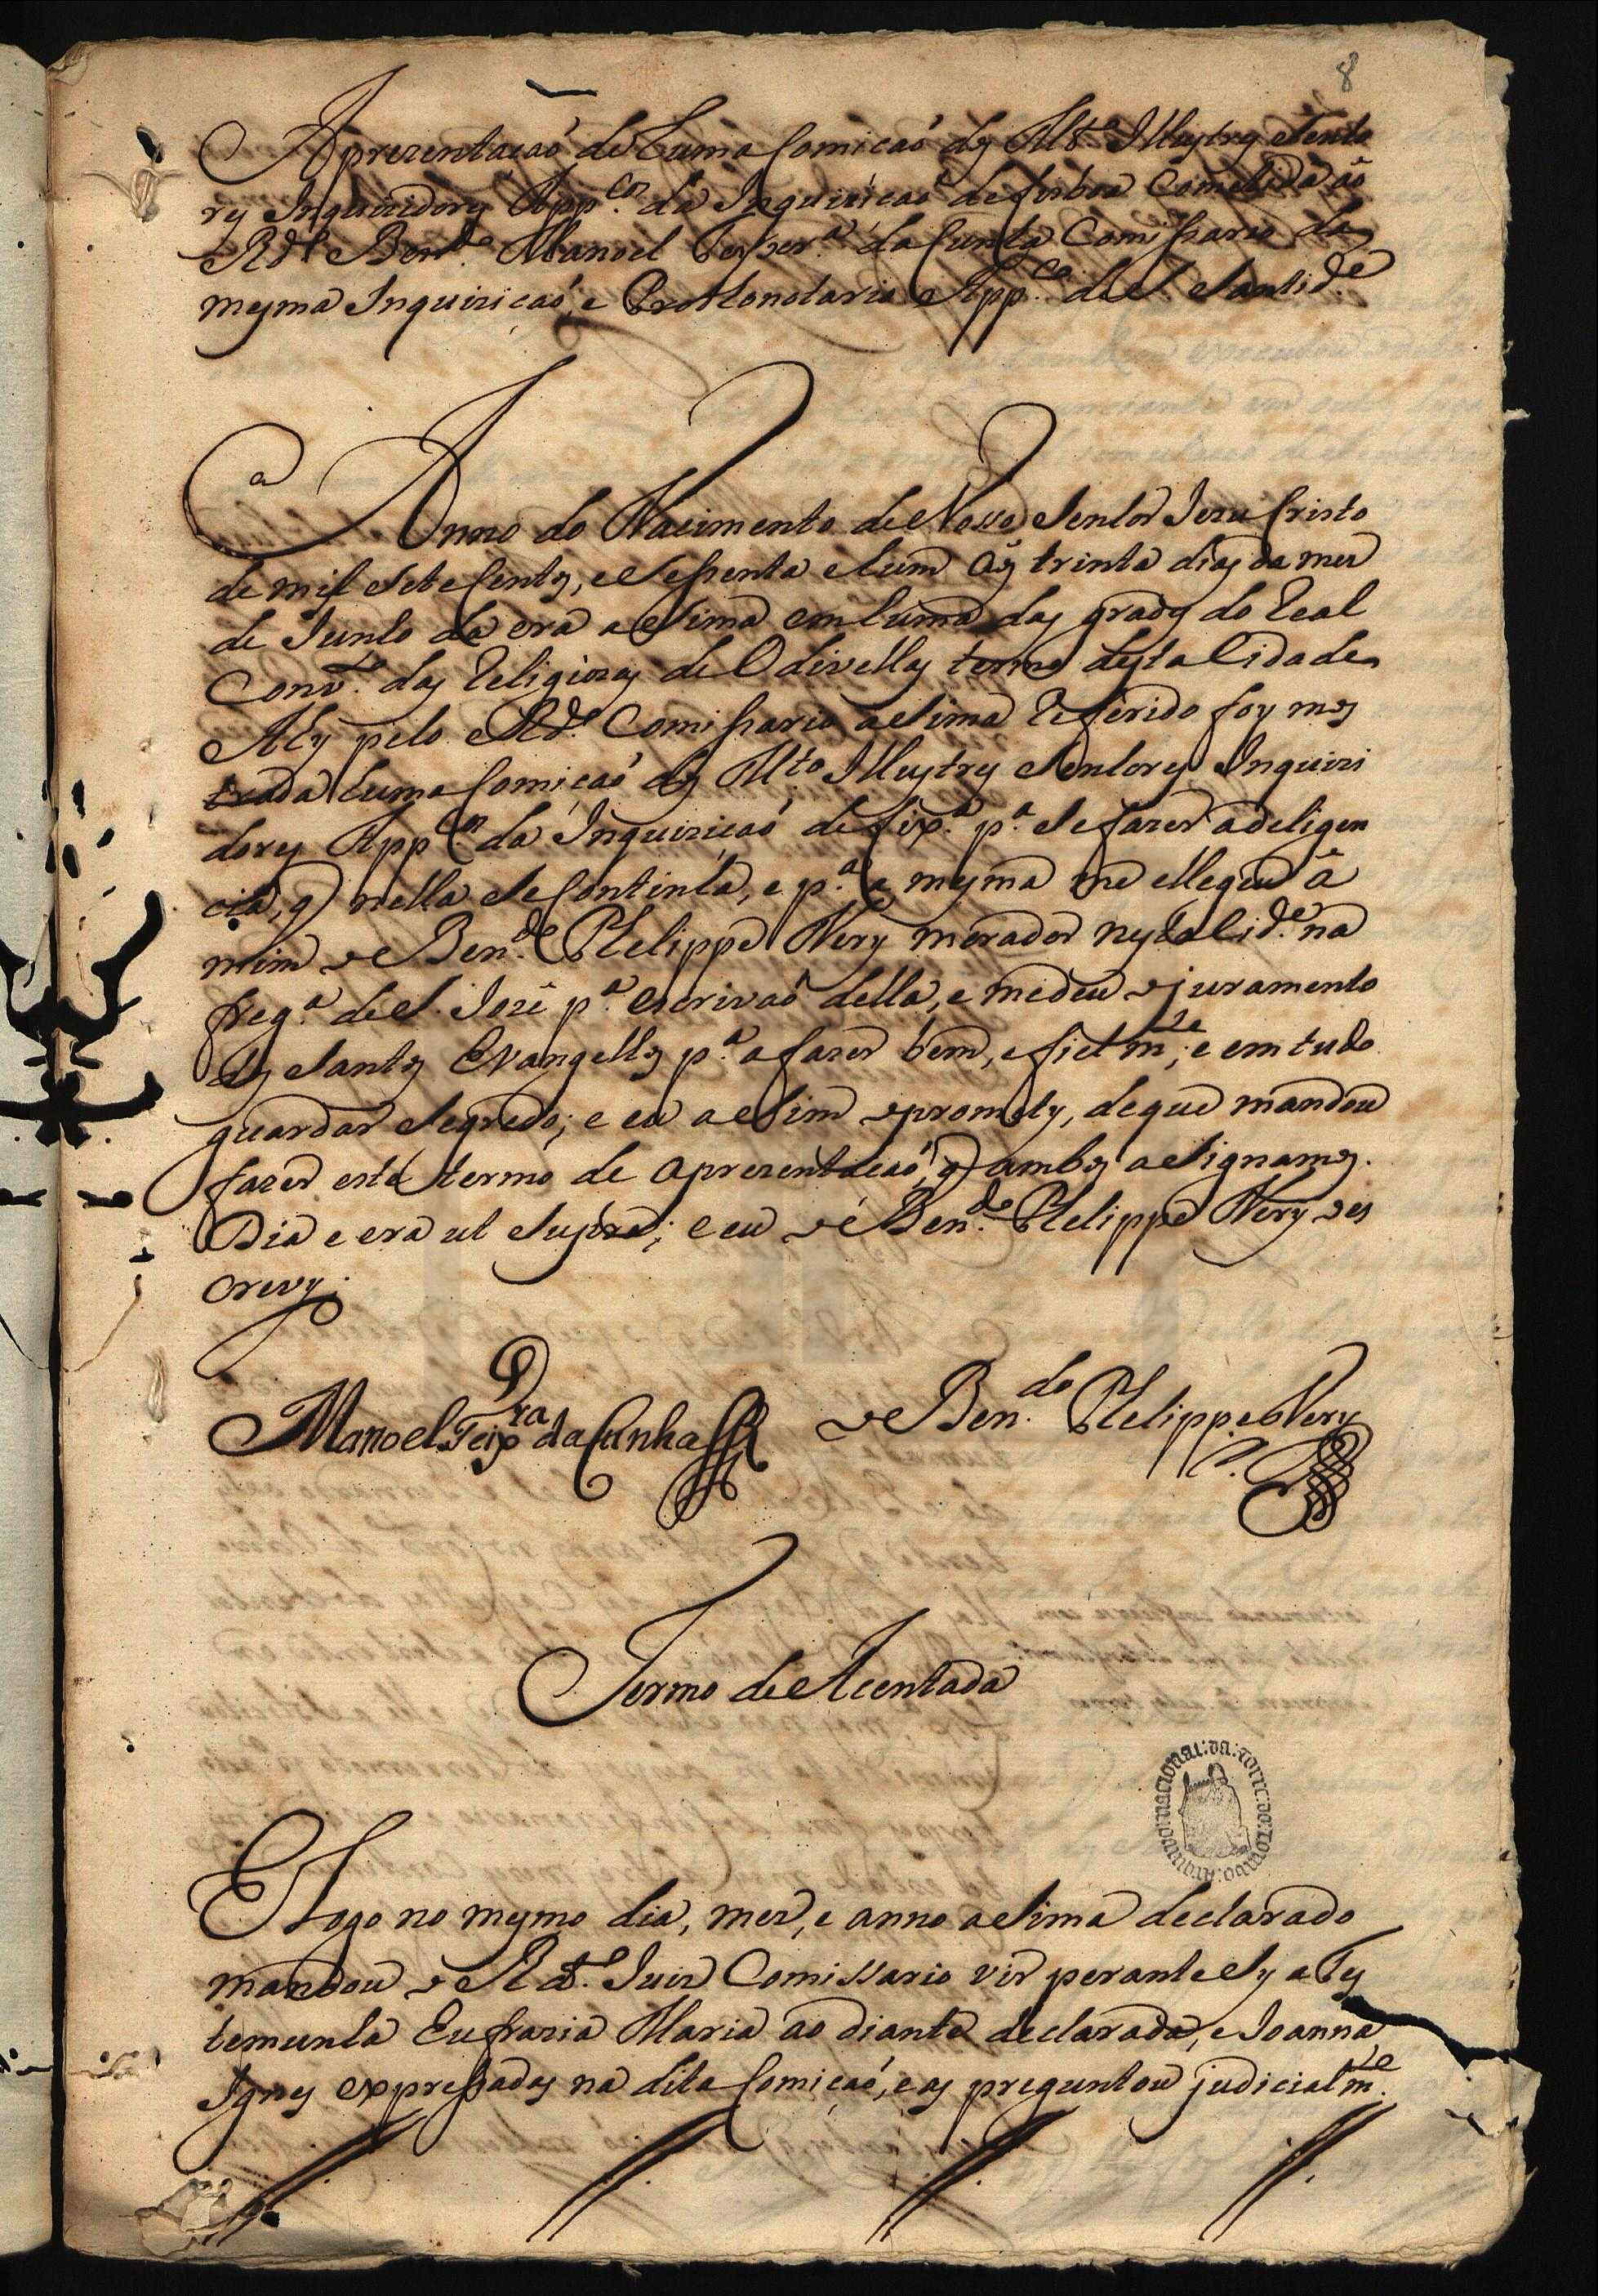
Aprezentaçaõ de huma Comiçaõ dos Mt.o Illustres Senho
res Inquizidores App.cos da Inquiziçaõ de Lisboa cometida ao
Rd.o Ben.do Manoel Teyxr.a da Cunha Comissario da
mesma Inquiziçaõ, e Prothonotario App.ro de S Santid.e
Anno do Nacimento de Nosso Senhor Jezu Cristo
de mil SeteCentos, e Sessenta e hum aos trinta dias do mez
de Iunho da era aSima em huma das grades do Real
Conv.to das Religiozas de Odivellas terra desta Cidade
Ahy pelo Rd.o Comissario aSima Referido foy mos
trada huma Comiçaõ dos M.to Illustres Senhores Inquizi
dores App.cos da Inquiziçaõ de Lix.a p.a se fazer a deligen
cia, q̄ nella Se Continha, e p.a a mesma me ellegeu â
mimo Ben.do Philippe Nery morador nesta Cid.e na
freg.a de S. Iozê p.a escrivaõ della, e me deu o juramento
dos Santos Evangelhos p.a a fazer bem, e fielm.te, e em tudo
guardar Segredo; e eu aSim o promety, de que mandou
fazer este termo de aprezentaçaõ, q̄ ambos aSignamos.
Dia e era ut Supra; e eu o Ben.do Phelippe Nery o es
crevy:
o Ben.do Philippe Nery
Manoel Teixra da Cunha
Termo de Acentada
E Logo no mesmo dia, mez, e anno aSima declarado
mandou o Rd.o Iuiz Comissario vir perante Sy a Tes
temunha Eufrazia Maria ao diante declarada, e Ioanna
Ignes expressadas na dita Comiçaõ, e as preguntou judicialm.te
